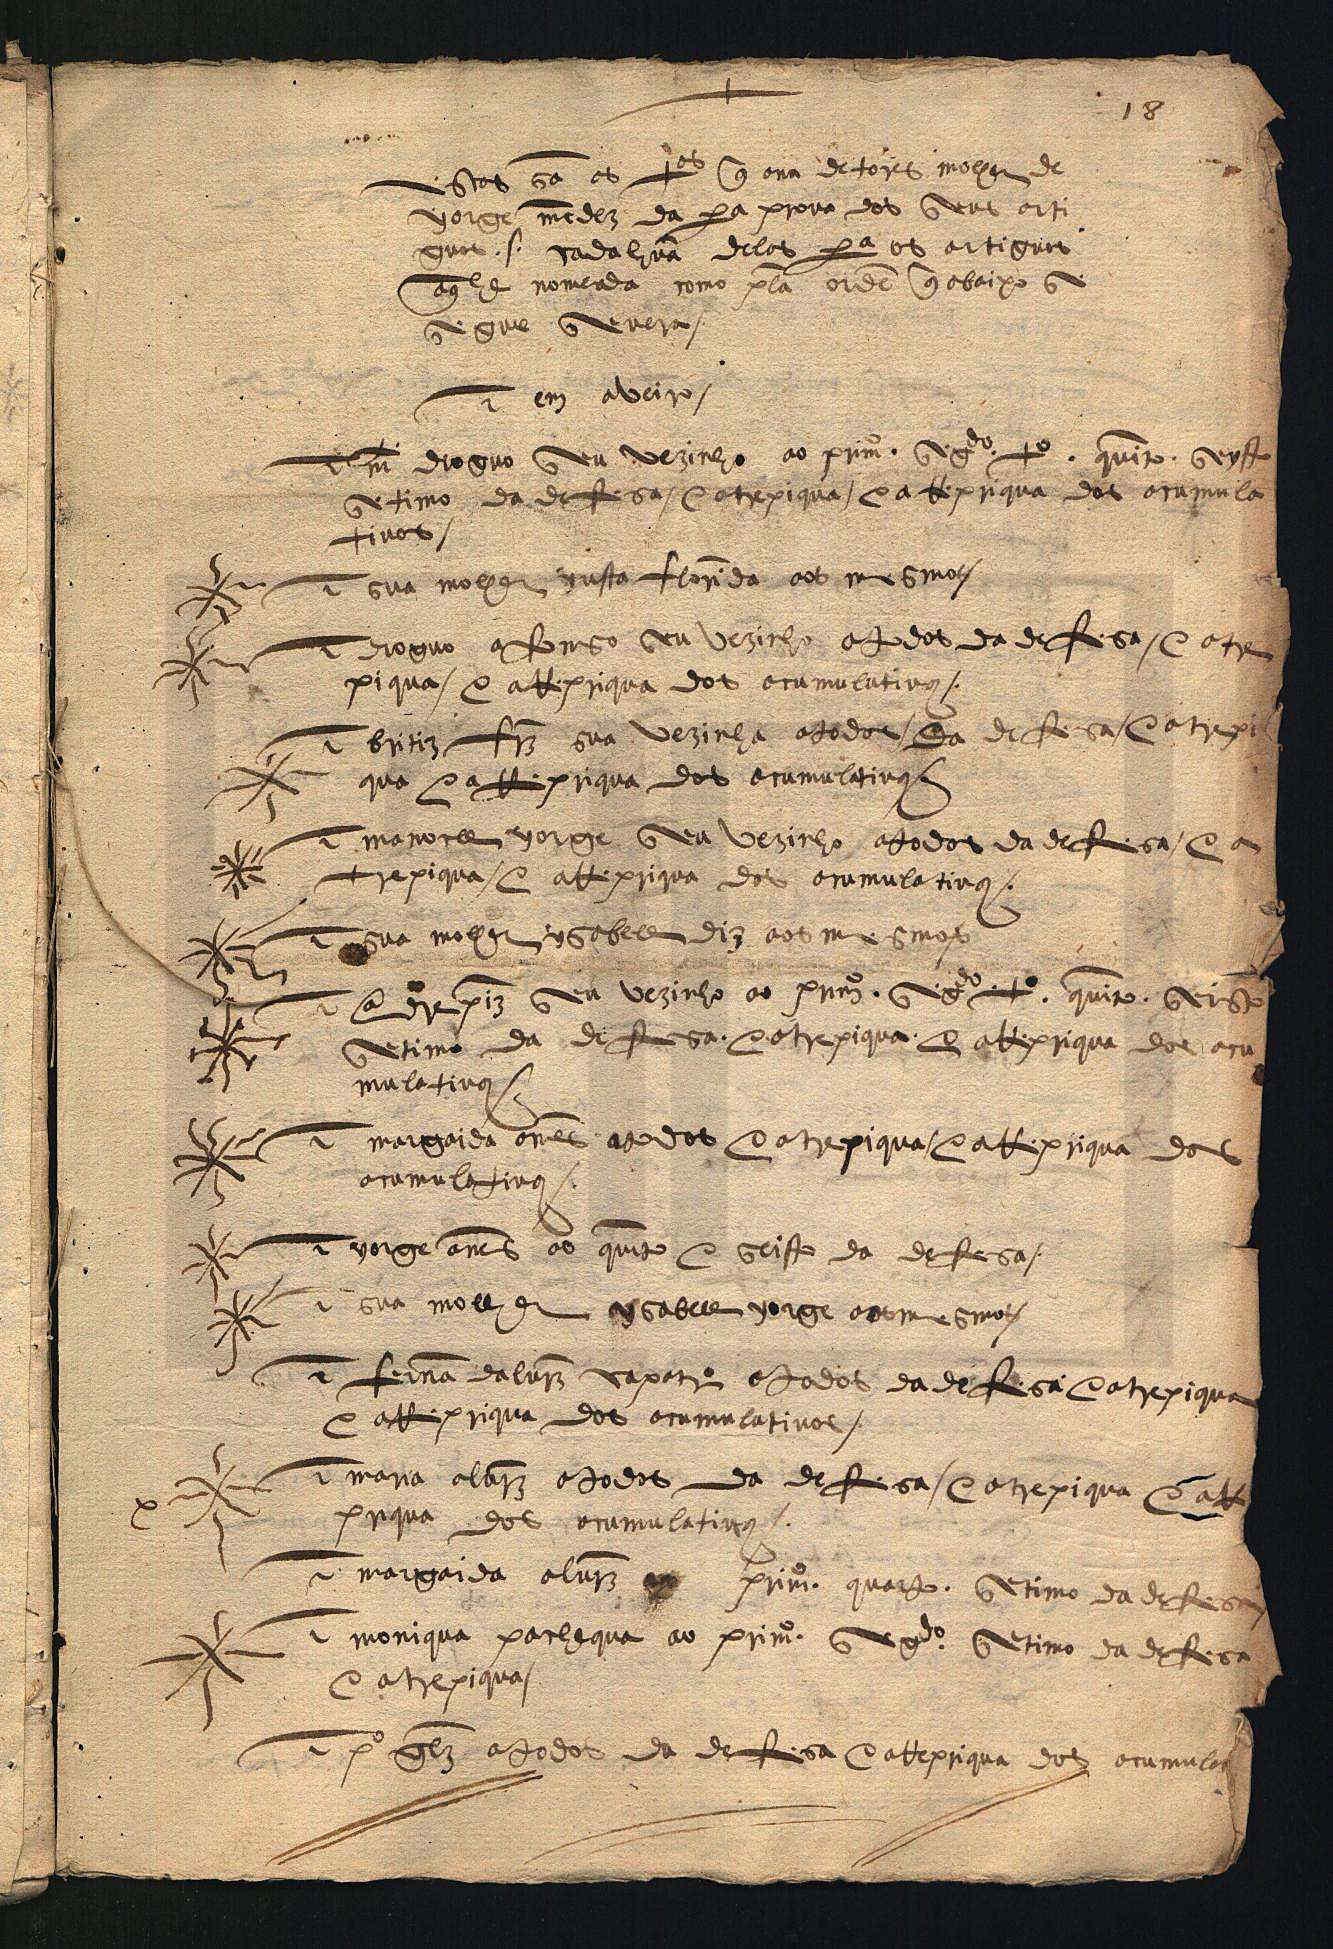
estas s̄a as tas q̄ ana de tores molher de
yorge m̄edez da ꝑa proua dos seus arti
guos .s. cada hūa delas ꝑa os artiguos
a q̄ he nomeada como p̄la ord̄e q̄ abaixo se
segue se uera /.
item em aveiro /
item mte dioguo seu vezinho ao primo . segdo . to . q̄uito . seysto
setimo da defesa / e a trepiqua / e a Repriqua dos acumula
tiuos /
item sua molher yusta flor̄ida aos mesmos/
item dioguo afomso seu vezinho a todos da defesa / e a tre
piqua / e a Repriqua dos acumulatiuoꝯ /.
item britiz fr̄z sua vezinha a todos / da defesa/ e a trepi
qua e a Repriqua dos acumulatiuꝯ/
item manoell yorge seu vezinho a todos da defesa / e a
trepiqua/ e a Repriqua dos acumulatiuꝯ /.
item sua molher ysabell diz aos mesmos
item ādre p̄iz seu vezinho ao primo . segdo . to . q̄uito . seisto
setimo da defesa. e a trepiqua. e a Repriqua dos acu
mulatiuꝯ/
item margaida an̄es. a todos e a trepiqua/ e a Repriqua dos
acumulatiuꝯ /.
item yorge ānes ao q̄uito e seisto da defesa /.
item sua molher ysabell yorge aos mesmos⁊
item fern̄a dalur̄z capatro a todos da defesa. e a trepiqua
e a Repriqua dos acumulatiuos /.
item maria alūrz a todos da defesa / e a trepiqua e a R
priqua dos acumultatiuꝯ /.
item margaida alūrz _ primo. quarto. setimo da defesa /
item moniqua pachequa ao primo. segdo. setimo da defesa
e a trepiqua/
item po ḡlz a todos da defesa e a Repriqua dos acumula
